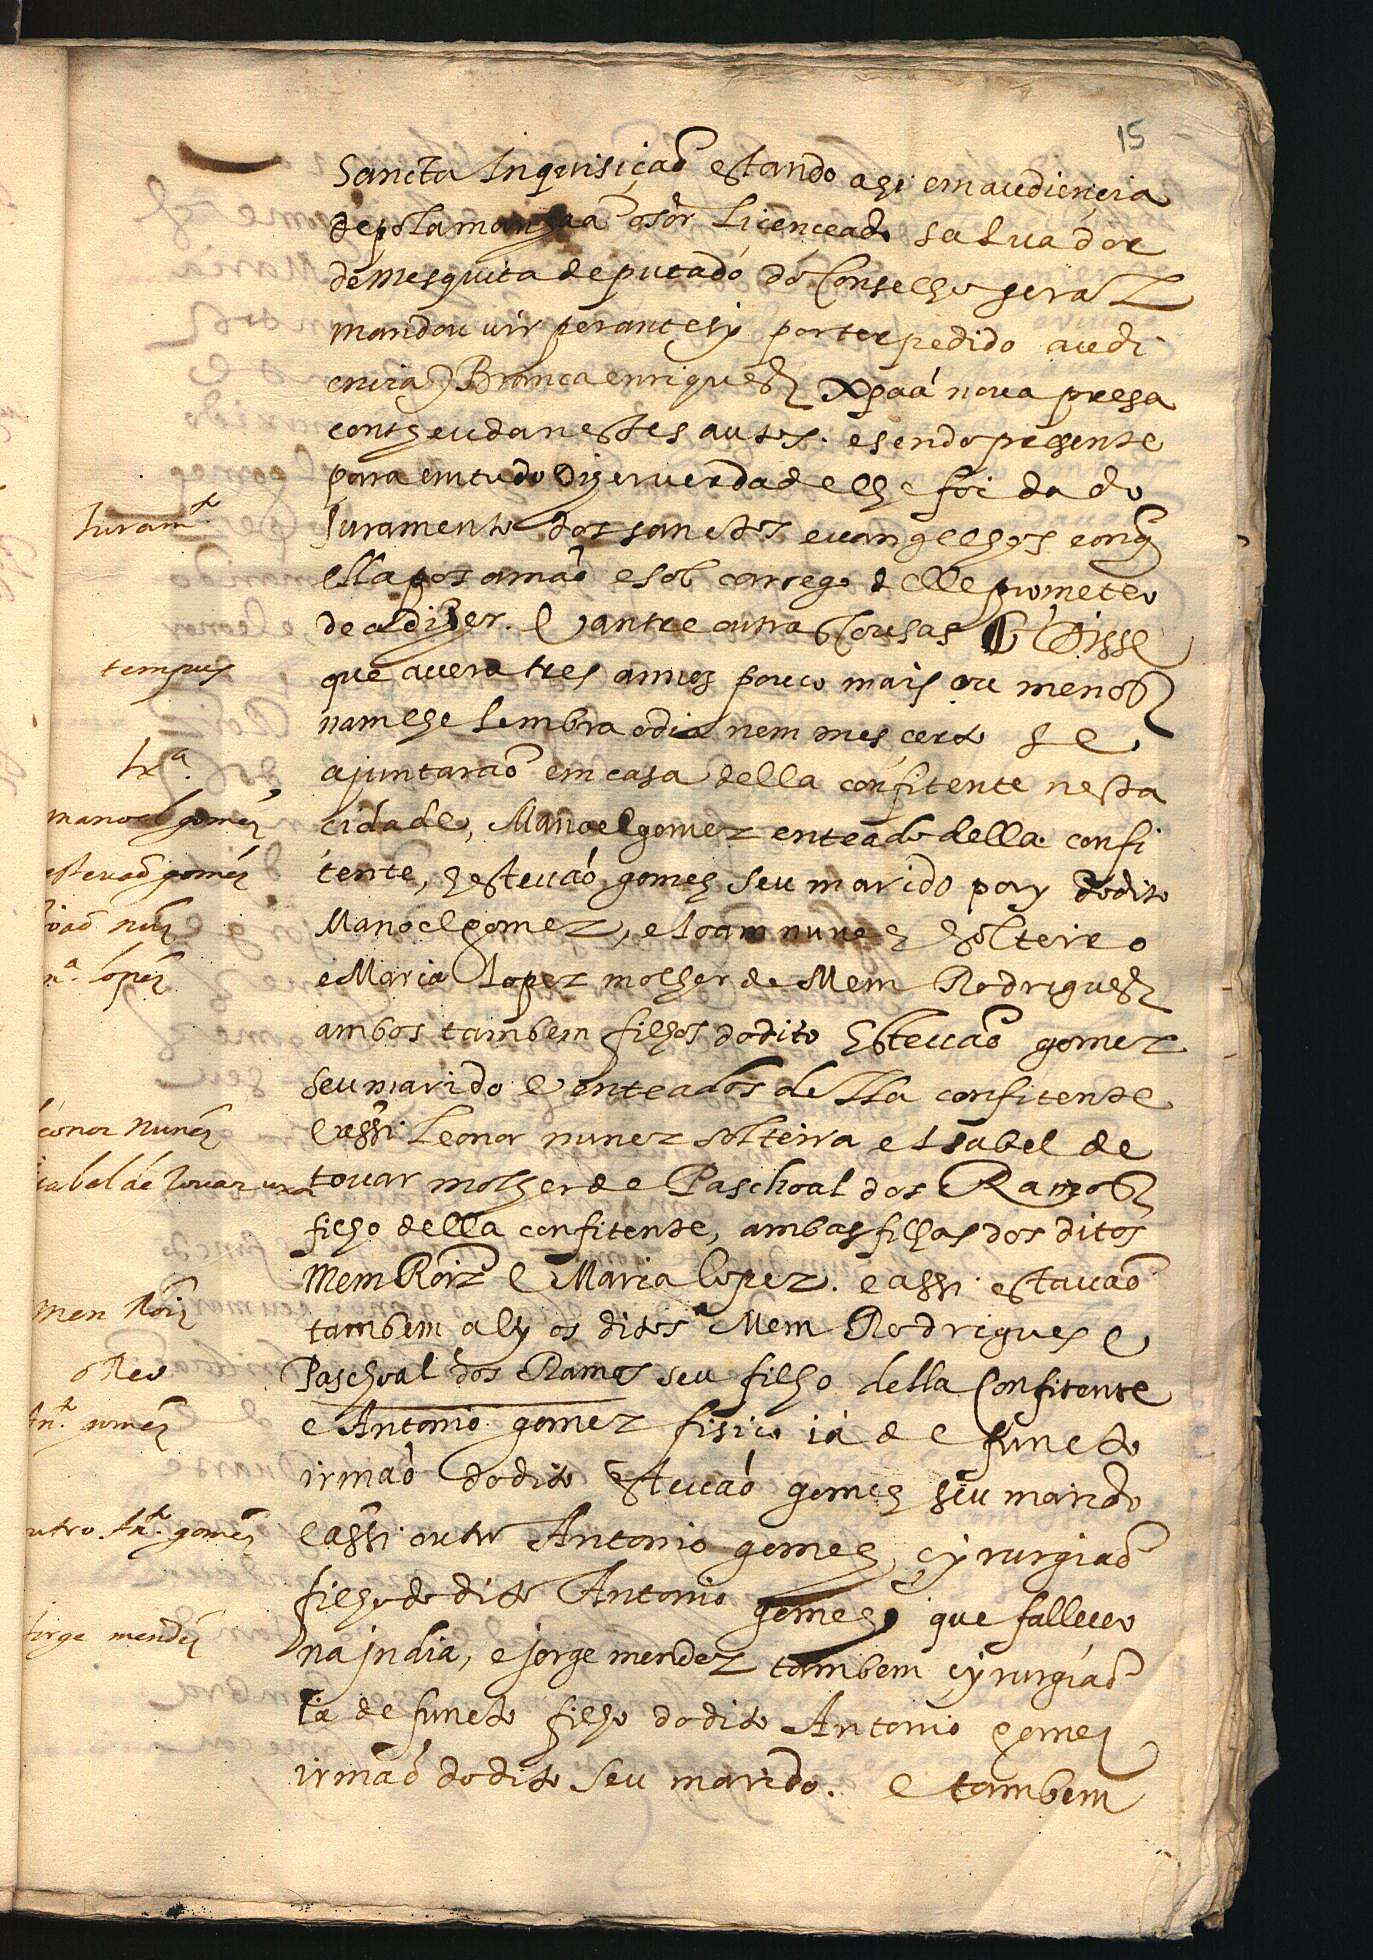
Iuramto.
tempus
Lxa.
manoel gomēz
esteuaõ gomēz
oaõ roīz
ma. lopez̄
eonor nunēz
sabel de Touar uxor
men Rōiz
o Reo
An.to nunez̄
utro Anto. gomēz
Iorge mendēz
Sancta Inquisiçaõ estando ahi em audiencia
de pola manhaā o sōr Licenceado saluador
de mesquita deputado do Conselho geraL
mandou uir perante sy por ter pedido audi
encia, Branca enriques xpaā noua presa
contheuda nestes autos e sendo presente
para em tudo dizer uerdade lhe foi dado
Juramento dos sanctos euangelhos em q̄
ella pos a maõ e sob carrego delle prometeo
de a dizer. e antre outras Cousas ⁋ Disse
que auera tres annos pouco mais ou menos
nam lhe lembra o dia nem mes certo se
ajuntaraõ em casa della confitente nesta
cidade, Manoel gomez enteado della confi
tente, E esteuaõ gomez seu marido pay do dito
Manoel gomez, e Ioam nunes E solteiro
e Maria lopez molher de Mem Rodrigues
ambos tambem filhos do dito Esteuaõ gomez
seu marido e enteados della confitente
e ass̄i Leonor nunez solteira e Isabel de
touar molher de Paschoal dos Ramos
filho della confitente, ambas filhas dos ditos
mem Rōiz e Maria lopez. e assi estauaõ
tambem aly os ditos Mem Rodrigues e
Paschoal dos Ramos seu filho della Confitente
e Antonio gomez fisico iá defuncto
irmaõ do dito esteuaõ gomez seu marido
e ass̄i outro Antonio gomes cyrurgiaõ
filho do dito Antonio gomes que falleceo
na jndia, e jorge mendez tambem cyrurgiaõ
ia defuncto filho do dito Antonio gomez
irmaõ do dito seu marido e tambem
